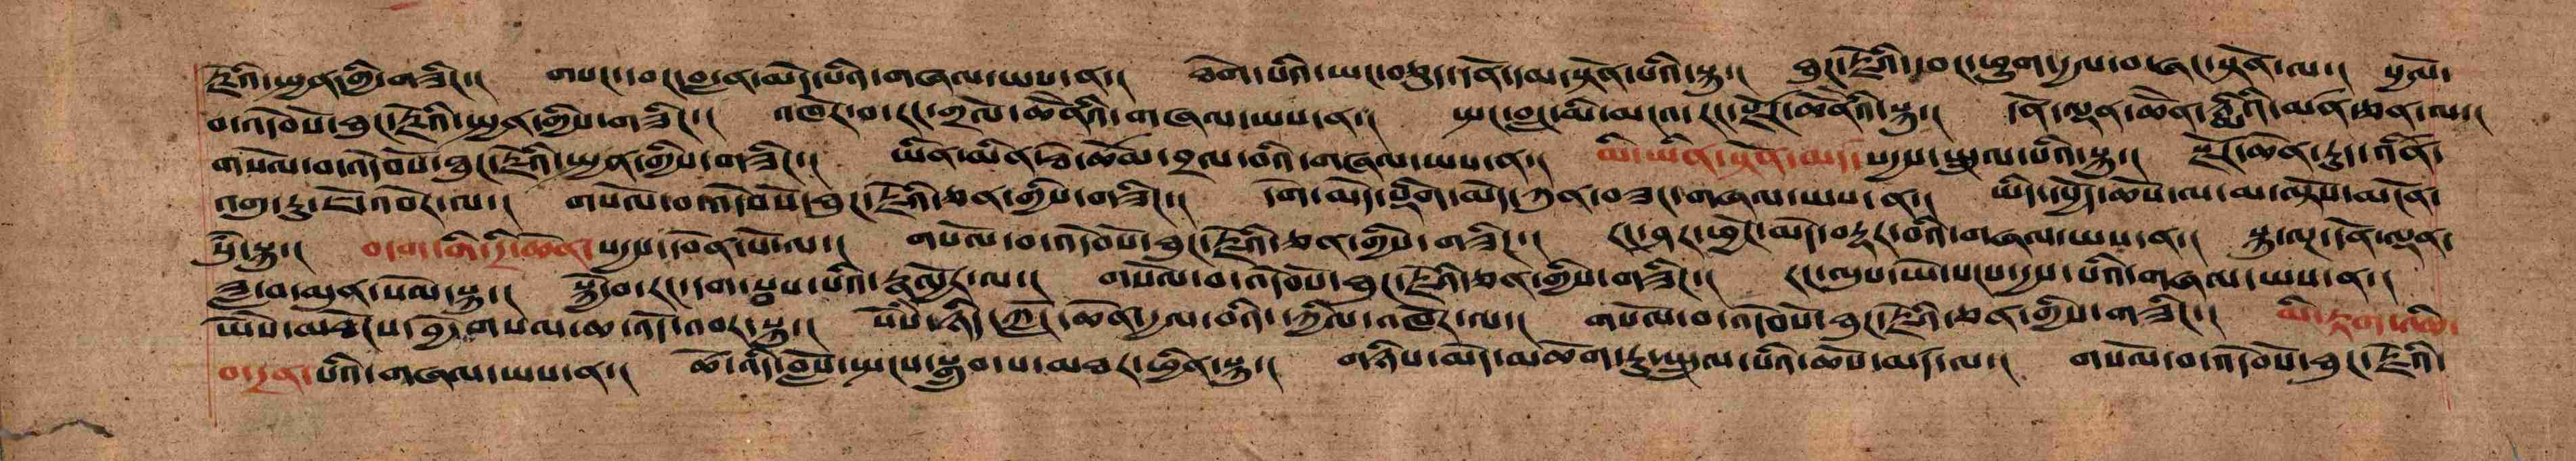རྗེའི་སྤྱན་གྱི་གཟིགས། གསང་དབང་བླ་ན་མེད་པའི་གཞལ་ཡས་ན། ཐེག་པའི་ཡང་བཅུད་དོན་དམ་སྟོན་པའི་སྐུ། ཐུགས་རྗེའི་དབང་ཕྱུག་རྒྱལ་བ་ཞང་སྟོན་ལ། གསོལ་
བ་འདེབས་སོ་ཐུགས་རྗེའི་སྤྱན་གྱིས་གཟིགས། འཁོར་བ་རང་གྲོལ་ཆེན་པོའི་གཞལ་ཡས་ན། སྤང་བླང་མི་མངའ་རང་རྫོགས་ཆེན་པོའི་སྐུ། དོན་དན་ཆེན་པོ་ཉི་མའི་མཚན་ཅན་ལ། 
གསོལ་བ་འདེབས་སོ་ཐུགས་རྗེའི་སྤྱན་གྱིས་གཟིགས། ཡིན་མིན་ཐེ་ཚོམ་བྲལ་བའི་གཞལ་ཡས་ན། མི་ཡིན་སྟོན་མཛད་སངས་རྒྱས་སྤྲུལ་པའི་སྐུ། རྫོགས་ཆེན་རྒྱུད་འཛིན་
འགུ་རུ་ཇོ་འབེར་ལ། གསོལ་བ་འདེབས་སོ་ཐུགས་རྗེའི་ཅན་གྱིས་གཟིགས། དགེ་མེད་སྡིག་མེད་ཀུན་བཟང་གཞལ་ཡས་ན། ཡིད་དཔྱོད་ཆོས་ལ་མ་ལྟོས་མངོན་
སུམ་སྐུ། བདག་གི་དྲིན་ཆེན་སངས་རྒྱས་དབེན་པོ་ལ། གསོལ་བ་འདེབས་སོ་ཐུགས་རྗེའི་ཅན་གྱིས་གཟིགས། རང་ཤར་ཕྱོགས་མེད་བརྡར་བའི་གཞལ་ཡས་ན། སྐུ་ལྔ་དོན་ལྡན་
ཟླ་བ་མུན་སེལ་སྐུ། སྐྱེ་བ་རང་དག་སྦས་པའི་རྣལ་འབྱོར་ལ། གསོལ་བ་འདེབས་སོ་ཐུགས་རྗེའི་ཅན་གྱིས་གཟིགས། རང་ལུས་ཡེ་སངས་རྒྱས་པའི་གཞལ་ཡས་ན། 
ཡེ་ཤེས་མཐོངས་བྱེ་གསལ་ཆ་འོད་འབར་སྐུ། སེམས་ཉིད་ཀློང་ཆེན་རྒྱལ་བའི་དཀྱིལ་འཁོར་ལ། གསོལ་བ་འདེབས་སོ་ཐུགས་རྗེའི་ཅན་གྱིས་གཟིགས། མི་རྟག་འཆི་
བ་དྲན་པའི་གཞལ་ཡས་ན། ཚེ་འདི་བློས་སྤངས་སྒྲུབ་པ་མཐར་ཕྱིན་སྐུ། གཉིས་མེད་མཆོག་ཏུ་སྤྲུལ་པའི་ཆོས་མཛད་ལ། གསོལ་བ་འདེབས་སོ་ཐུགས་རྗེའི